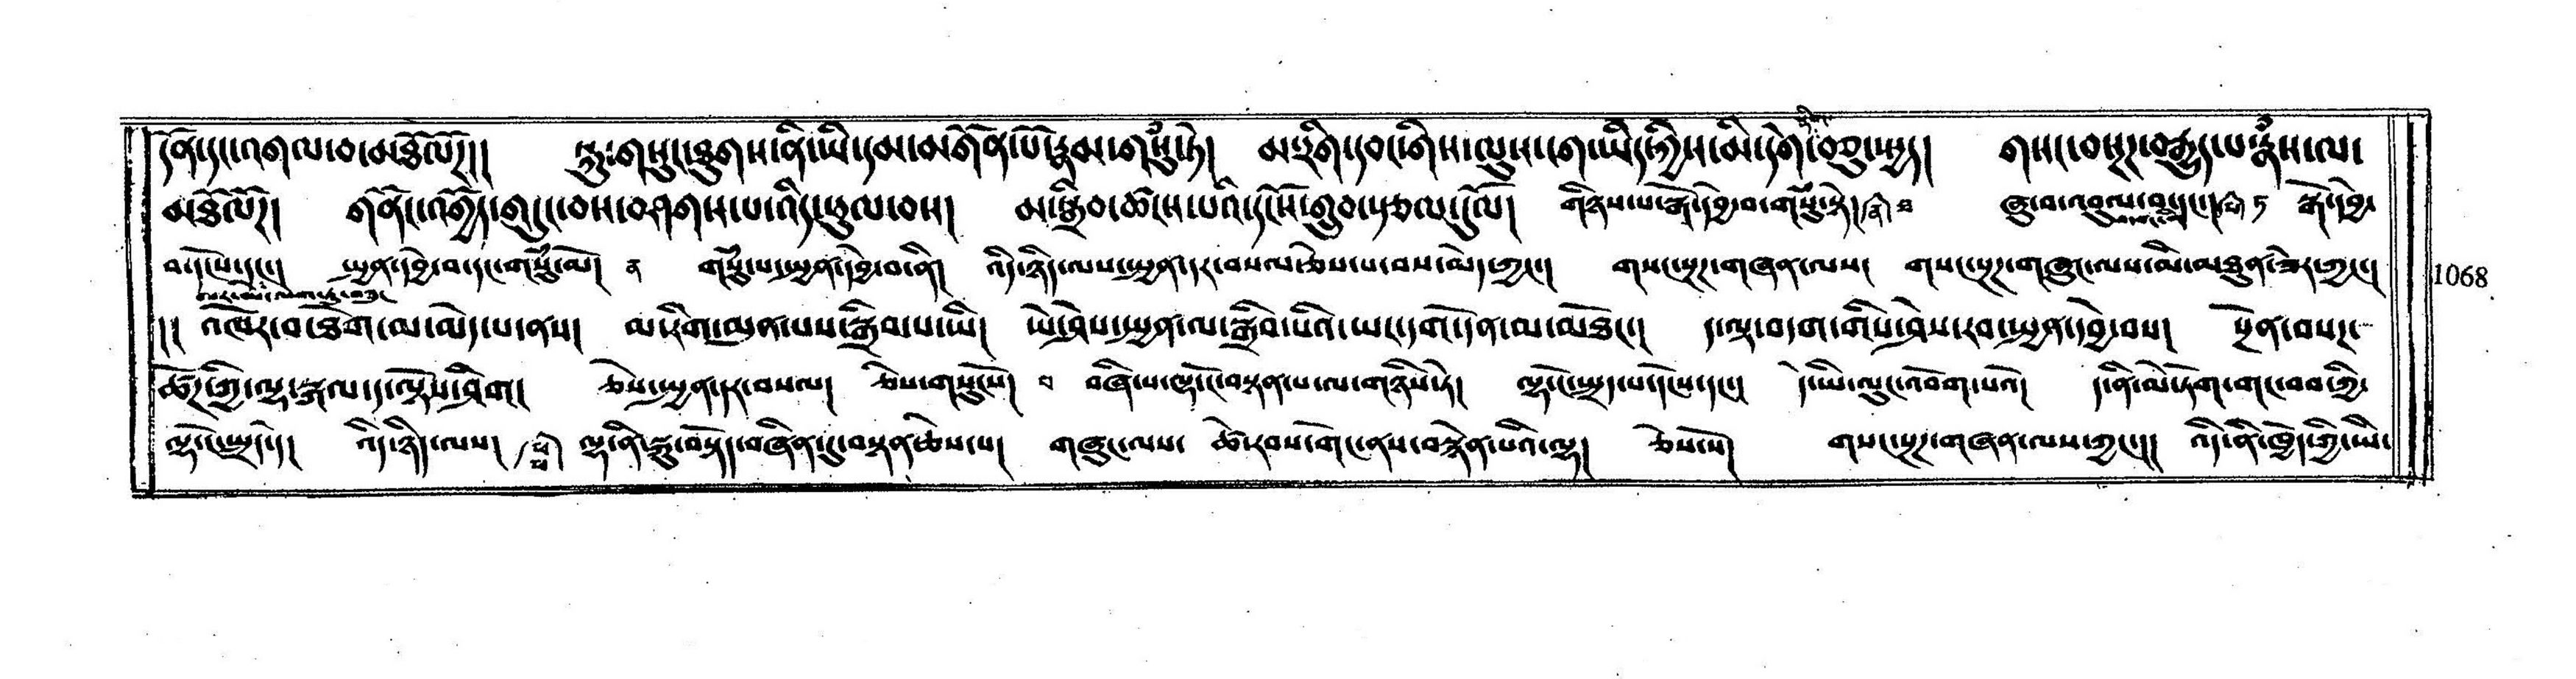དོན་དང་འགལ་བ་མཐོལ་ལོ་བཤགས།། སྐུ་གསུང་ཐུགས་ནི་ཡི་དམ་མགོན་པོ་རྣམ་གསུམ་ཏེ། མ་རིག་དབང་གིས་ལུས་ངག་ཡིད་ཀྱིས་མེ་དགེ་སྡིག་བཅུ་སྤྱད། གསང་སྔགས་བརྒྱུད་པ་རྣམས་ལ་
མཐོལ་ལོ་བཤགས། གནོང་འགྱོད་གདུང་བས་བཤགས་པ་འདི་ཕུལ་བས། མ་སྒྲིབ་ཚངས་པའི་དངོས་གྲུབ་སྩལ་དུ་གསོལ། གཉིས་པ་སྒོ་དབྱེ་བ་གསུམ་སྟེ།༼ན༽ཐ ཞུ་བ་འབུལ་བ་བདག་ནི་དང་།༼པ༽ཏ སྒོ་དབྱེ་
བ་དངོས་དང་།མར་མེ་ལག་ཏུ་བཟུང་སྤྱན་དབྱེ་བ་དང་གསུམ་མོ། ན གསུམ་པ་སྤྱན་དབྱེ་བ་ནི། འདི་ཉིད་ལས་སྤྱན་དར་བསལ་ཅེས་པ་བས་མེད་ཀྱང་། གསང་སྔགས་གཞན་ལས། གསང་སྔགས་གཞུང་ལས་མི་མཐུན་ཟེར་ཀྱང་། །།
འཁོར་བ་ཐོག་མ་མེད་པ་ནས། མ་རིག་མུན་པས་སྒྲིབ་པ་ཡི། ཡེ་ཤེས་སྤྱན་ལ་སྒྲིབ་པའི་ཡང་དག་དོན་མ་མཐོང་། ད་ལྟ་བདག་གིས་ཤེས་རབ་སྤྱན་དབྱེ་བས། སྔོན་བསགས་
ཚོགས་ཀྱི་ལྷ་སྐལ་ད་ལྟོས་ཤིག ཅེས་སྤྱན་དར་བསལ། ཅེས་གསུངས་སོ། པ བཞི་པ་ལྷ་ངོ་བསྟན་པ་ལ་གཉིས་ཏེ། ལྷ་ངོ་སྤྲད་པ་དངོས་དང་། དེ་ཡི་ལུང་འབོག་པའོ། ད་ནི་མེ་ཏོག་གང་བབ་ཀྱི་
ལྷ་ངོ་སྤྲད་དེ། འདི་ཉིད་ལས། ༼ཕྥ༽ ལྷ་ནི་སྐུ་བསྟོད་བཞིན་དུ་བསྟན་ཅེས་པ། གཞུང་ལས་ཚེ་རབས་གོང་ནས་བསྙེན་པའི་ལྷ། ཅེས་སོ། གསང་སྔགས་གཞན་ལས་ཀྱང་།། འདི་ནི་ཁྱོད་ཀྱི་ཡི་